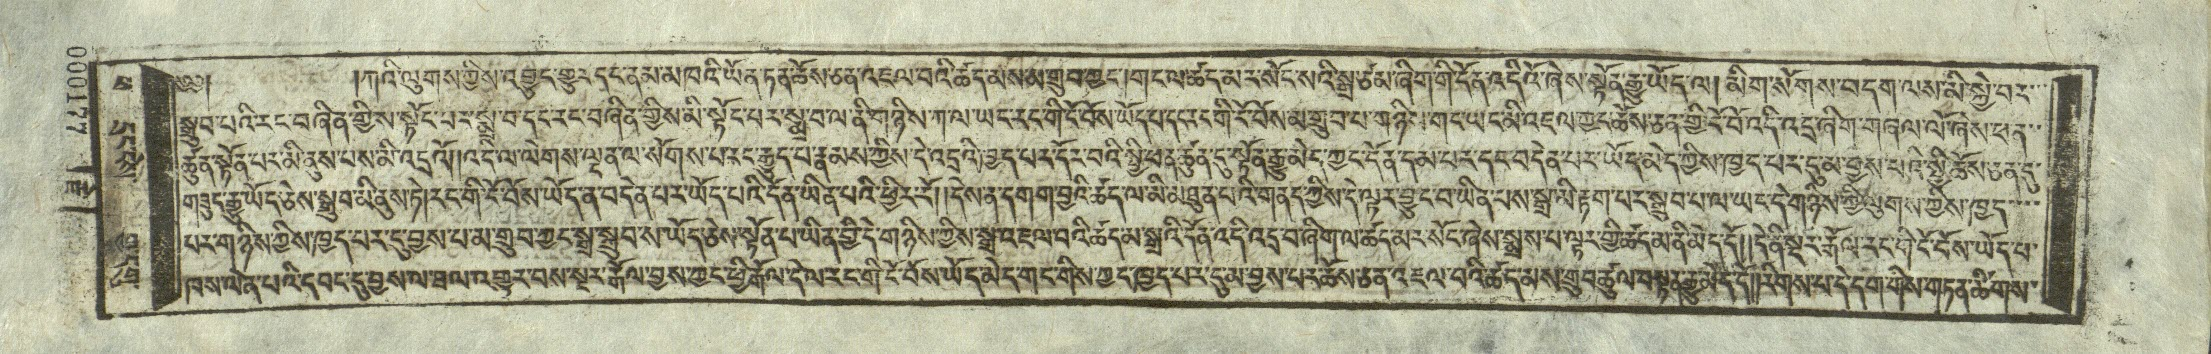༄༅། །ཀའི་ལུགས་ཀྱིས་འབྱུང་གྱུར་དང་ནམ་མཁའི་ཡོན་ཏན་ཆོས་ཅན་འཇལ་བའི་ཚད་མས་མ་གྲུབ་ཀྱང་། གང་ལ་ཚད་མར་སོང་སའི་སྒྲ་ཙམ་ཞིག་གི་དོན་འདིའོ་ཞེས་སྟོན་རྒྱུ་ཡོད་ལ། མིག་སོགས་བདག་ལས་མི་སྐྱེ་བར་
སྒྲུབ་པའི་རང་བཞིན་གྱིས་སྟོང་བར་སྨྲ་བ་དང་རང་བཞིན་གྱིས་མི་སྟོང་བར་སྨྲ་བ་ལ་ནི་གཉིས་ཀ་ལ་ཡང་རང་གི་ངོ་བོས་ཡོད་པ་དང་རང་གི་ངོ་བོས་མ་གྲུབ་བ་གཉིས་གང་ཡང་མི་འཇལ་ཀྱང་ཆོས་ཅན་གྱི་ངོ་བོ་འདི་འདྲ་ཞིག་གཞལ་ལོ་ཞེས་ཕན་
ཚུན་སྟན་པར་མི་ནུས་པས་མི་འདྲའོ། །འདི་ལ་ལེགས་ལྡན་ལ་སོགས་པ་རང་རྒྱུད་པ་རྣམས་ཀྱིས་དེ་འདྲའི་ཁྱད་པར་དར་བའི་སྤྱི་ཕན་ཚུན་དུ་སྟོན་རྒྱུ་མེད་ཀྱང་དོན་དམ་པར་དང་བདེན་པར་ཡོད་མེད་ཀྱིས་ཁྱད་པར་དུ་མ་བྱས་པའི་སྤྱི་ཆོས་ཅན་དུ་
གཟུང་རྒྱུ་ཡོད་ཅེས་སྒྲུབ་མི་ནུས་ཏེ། རང་གི་ངོ་བོས་ཡོད་ན་བདེན་པར་ཡོད་པའི་དོན་ཡིན་པའི་ཕྱིར་རོ། །དེས་ན་དགག་བྱའི་ཚད་ལ་མི་མཐུན་པའི་གནད་ཀྱིས་ད་ལྟར་བྱུང་བ་ཡིན་པས་སྒྲ་མི་རྟག་པར་སྒྲུབ་པ་ལ་ཡང་དེ་གཉིས་ཀྱི་ལུགས་ཀྱིས་ཁྱད་
པར་གཉིས་ཀྱིས་ཁྱད་པར་དུ་བྱས་པ་མ་གྲུབ་ཀྱང་སྒྲ་སྒྲུབ་ས་ཡོད་ཅེས་སྔོན་པོ་ཡིན་གྱི་དེ་གཉིས་ཀྱིས་སྒྲ་འཇལ་བའི་ཚད་མ་སྒྲའི་དོན་འདི་འདྲ་བ་ཞིག་ལ་ཚད་མར་སོང་ཞེས་སྨྲས་པ་ལྟར་གྱི་ཚད་མ་ནི་མེད་དོ། །དེ་ནི་སྔར་རྒོལ་རང་གི་ངོ་བོས་ཡོད་པ་
ཁས་ལེན་པའི་དབང་དུ་བྱས་ལ་ཐལ་འགྱུར་བས་སྔར་རྒོལ་བྱས་ཀྱང་ཕྱི་རྒོལ་དེ་ལ་རང་གི་ངོ་བོས་ཡོད་མེད་གང་གིས་ཀྱང་ཁྱད་པར་དུ་མ་བྱས་པར་ཆོས་ཅན་འཇལ་བའི་ཚད་མས་གྲུབ་ཚུལ་བསྟན་རྒྱུ་མེད་དོ། །རིགས་པ་དེ་དག་གིས་གཏན་ཚིགས་